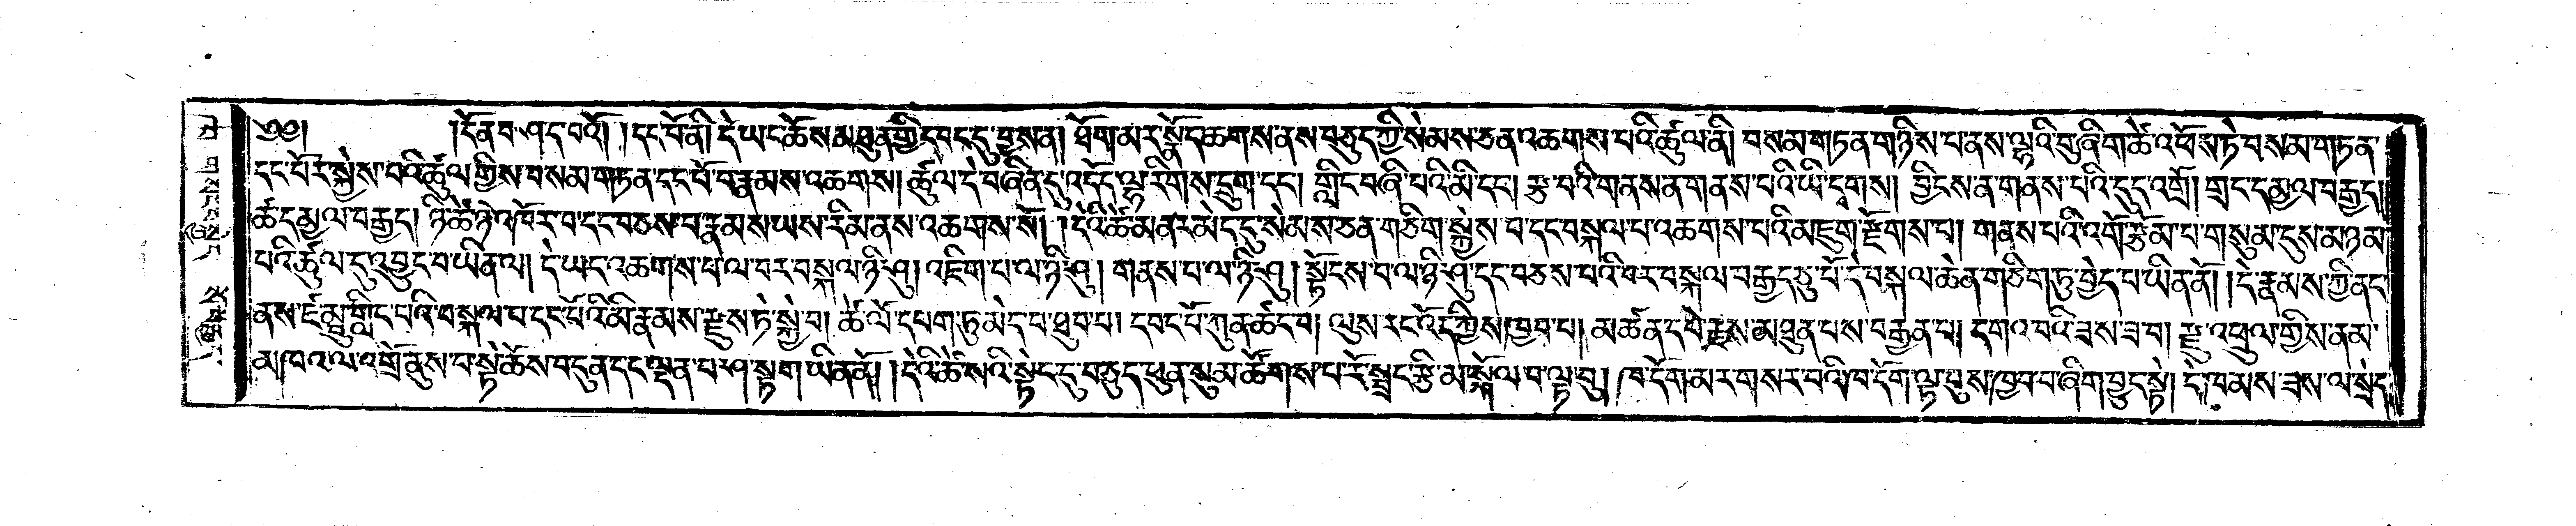༄༅། །དོན་བཤད་པའོ། །དང་པོ་ནི། དེ་ཡང་ཆོས་མཐུན་གྱི་དབང་དུ་བྱས་ན། ཐོག་མར་སྣོད་ཆགས་ནས་བཅུད་ཀྱི་སེམས་ཅན་འཆགས་པའི་ཚུལ་ནི། བསམ་གཏན་གཉིས་པ་ནས་ལྷའི་བུ་ཞིག་ཚེ་འཕོས་ཏེ་བསམ་གཏན་
དང་པོར་སྐྱེས་པའི་ཚུལ་གྱིས་བསམ་གཏན་དང་པོ་བ་རྣམས་འཆགས། ཚུལ་དེ་བཞིན་དུ་འདོད་ལྷ་རིགས་དྲུག་དང་། གླིང་བཞི་པའི་མི་དང་། རྩ་བའི་གནས་ན་གནས་པའི་ཡི་དྭགས། བྱིངས་ན་གནས་པའི་དུད་འགྲོ། གྲང་དམྱལ་བརྒྱད་
ཚ་དམྱལ་བརྒྱད། ཉི་ཚེ་ཉེ་འཁོར་བ་དང་བཅས་པ་རྣམས་ཡས་རིམ་ནས་འཆགས་སོ། །དེའི་ཚེ་མནར་མེད་དུ་སེམས་ཅན་གཅིག་སྐྱེས་བ་དང་བསྐལ་པ་འཆགས་པའི་མཇུག་རྫོགས་པ། གནས་པའི་འགོ་རྩམ་པ་གསུམ་དུས་མཉམ་
པའི་ཚུལ་དུ་འབྱུང་བ་ཡིན་ལ། དེ་ཡང་འཆགས་པ་ལ་བར་བསྐལ་ཉི་ཤུ། འཇིག་པ་ལ་ཉི་ཤུ། གནས་པ་ལ་ཉི་ཤུ། སྟོངས་པ་ལ་ཉི་ཤུ་དང་བཅས་པའི་བར་བསྐལ་བརྒྱད་ཅུ་པོ་དེ་བསྐལ་ཆེན་གཅིག་ཏུ་བྱེད་པ་ཡིན་ནོ། །དེ་རྣམས་ཀྱི་ནང་
ནས་ཛམྦུ་གླིང་པའི་བསྐལ་པ་དང་པོའི་མི་རྣམས་རྫུས་ཏེ་སྐྱེ་བ། ཚེ་ལོ་དཔག་ཏུ་མེད་པ་ཐུབ་པ། དབང་པོ་ཀུན་ཚང་བ། ལུས་རང་འོད་ཀྱིས་ཁྱབ་པ། མཚན་དཔེ་རྗེས་མཐུན་པས་བརྒྱན་པ། དགའ་བའི་ཟས་ཟ་བ། རྫུ་འཕྲུལ་གྱིས་ནམ་
མཁའ་ལ་འགྲོ་ནུས་པ་སྟེ་ཆོས་བདུན་དང་ལྡན་པ་ཤ་སྟག་ཡིན་ནོ། །དེའི་ཚེ་སའི་སྟེང་དུ་བཅུད་ཕུན་སུམ་ཚོགས་པ་རོ་སྦྲང་རྩི་མ་སྐོལ་བ་ལྟ་བུ། ཁ་དོག་མར་གསར་པའི་ཁ་དོག་ལྟ་བུས་ཁྱབ་པ་ཞིག་བྱུང་སྟེ། དེ་ཁམས་ཟས་ལ་སྲེད་